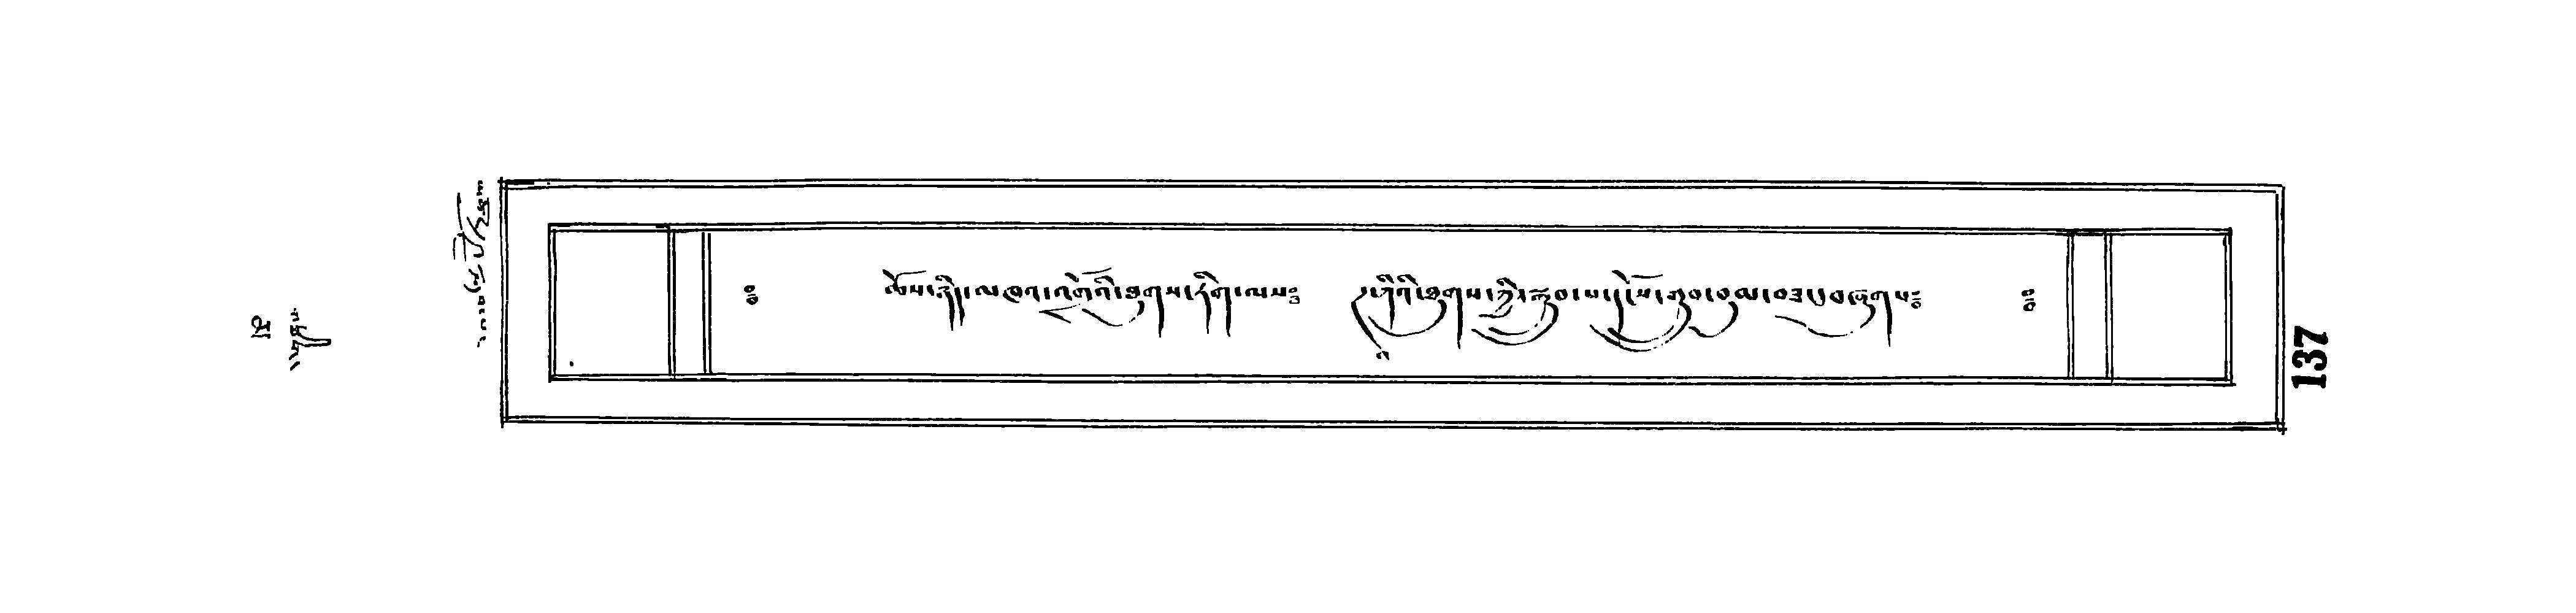ཆོས་ཉིད་མཁའ་འགྲོའི་ཐུགས་ཏིག་ལས༔ ཌཱ་ཀིའི་ཐུགས་ཀྱི་སྒྲུབ་པ་དངོས་གྲུབ་བུམ་བཟང་བཞུགས༔